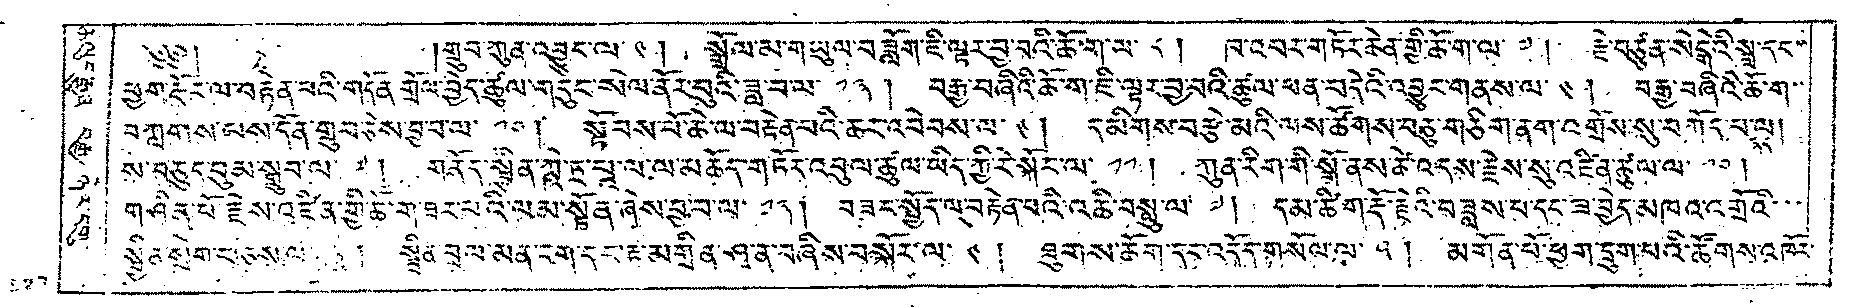༄༅། །གྲུབ་ཀུན་འབྱུང་ལ ༤། སྒྲོལ་མ་གཡུལ་བཟློག་ཇི་ལྟར་བྱ་བའི་ཆོ་ག་ལ ༨། ཁ་འབར་གཏོར་ཆེན་གྱི་ཆོ་ག་ལ ༧། རྗེ་བཙུན་སེངྒེའི་སྒྲ་དང་
ཕྱག་རྡོར་ལ་བརྟེན་པའི་གདོན་གྲོལ་བྱེད་ཚུལ་གདུང་སེལ་ནོར་བུའི་ཟླ་བ་ལ ༡༣། བརྒྱ་བཞིའི་ཆོ་ག་ཇི་ལྟར་བྱ་བའི་ཚུལ་ཕན་བདེའི་འབྱུང་གནས་ལ ༤། བརྒྱ་བཞིའི་ཆོ་ག་
བཀླགས་པས་དོན་གྲུབ་ཅེས་བྱ་བ་ལ ༡༠། སྟོབས་པོ་ཆེ་ལ་བརྟེན་པའི་ཆར་འབེབས་ལ ༤། དམིགས་བརྩེ་མའི་ལས་ཚོགས་བཅུ་གཅིག་ནག་འགྲོས་སུ་བཀོད་པ་ལ ༣༨།
ས་བཅུད་བུམ་སྒྲུབ་ལ ༧། གནོད་སྦྱིན་ཀྵེ་ཏྲ་པཱ་ལ་ལ་མཆོད་གཏོར་འབུལ་ཚུལ་ཡིད་ཀྱི་རེ་སྐོང་ལ ༡༡། ཀུན་རིག་གི་སྒོ་ནས་ཚེ་འདས་རྗེས་སུ་འཛིན་ཚུལ་ལ ༡༠།
གཤིན་པོ་རྗེས་འཛིན་གྱི་ཆོ་ག་ཐར་པའི་ལམ་སྟོན་ཞེས་བྱ་བ་ལ ༡༣། བཟང་སྤྱོད་ལ་བརྟེན་པའི་འཆི་བསླུ་ལ ༧། དམ་ཚིག་རྡོ་རྗེའི་བཟླས་པ་དང་ཟ་བྱེད་མཁའ་འགྲོའི་
སྦྱིན་སྲེག་བཅས་ལ ༣། སྤྲིན་བྲལ་མན་ངག་དང་རྟ་མགྲིན་ཤྭ་ན་བཞིས་བསྐོར་ལ ༤། ཐུགས་ཆོག་དང་འདོད་གསོལ་ལ ༥། མགོན་པོ་ཕྱག་དྲུག་པའི་ཚོགས་འཁོར་